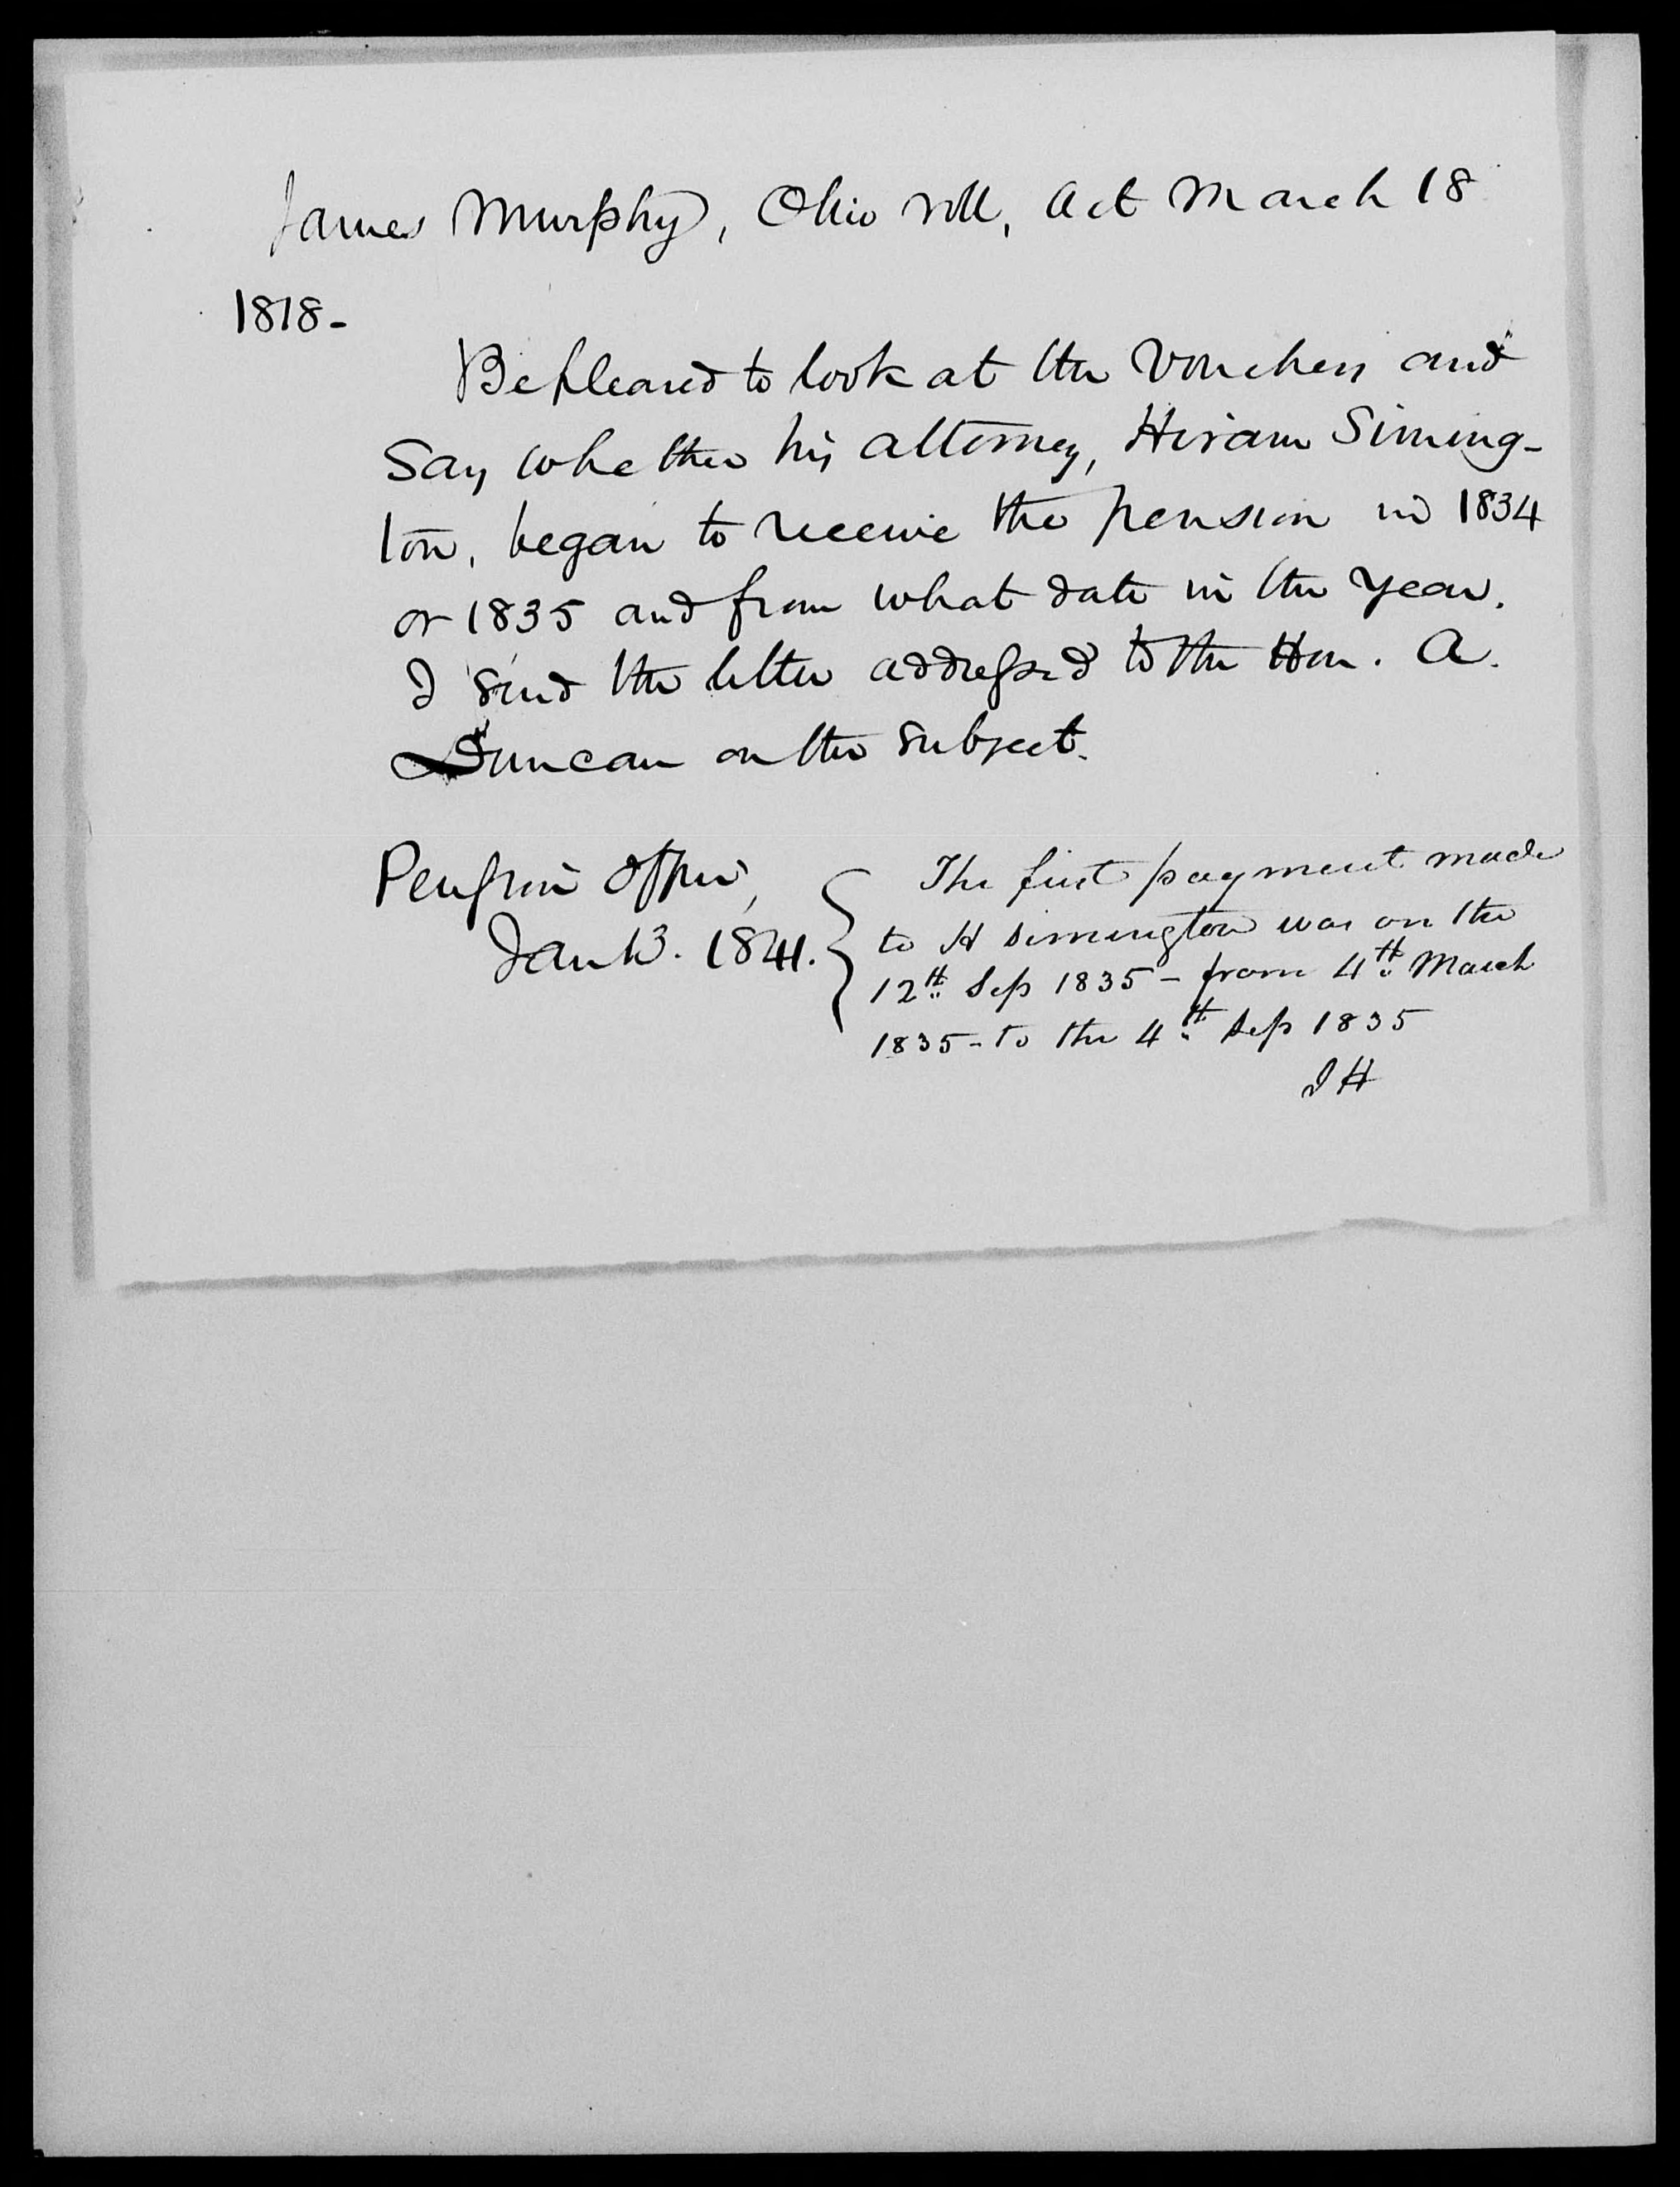James Murphy, Ohio [ ? ]. Act March 18
1818.

Be pleased to look at the Vouchers and
say whether his attorney, Hiram Simington, 
began to receive the pension in 1834
or 1835 and from what date in the year.
I send the letter addressed to the Hon. A.
Duncan on the subject


Pension Office
Jan 13. 1841
The first payment made
to H Simington was on the
12th Sep 1835- from 4th March
1835- to the 4th Sep 1835
JH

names: James Murphy; Hiram Simington; A Duncan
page: 54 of 57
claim: widow's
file: W. 25,739, for James Murphey, Pennsylvania